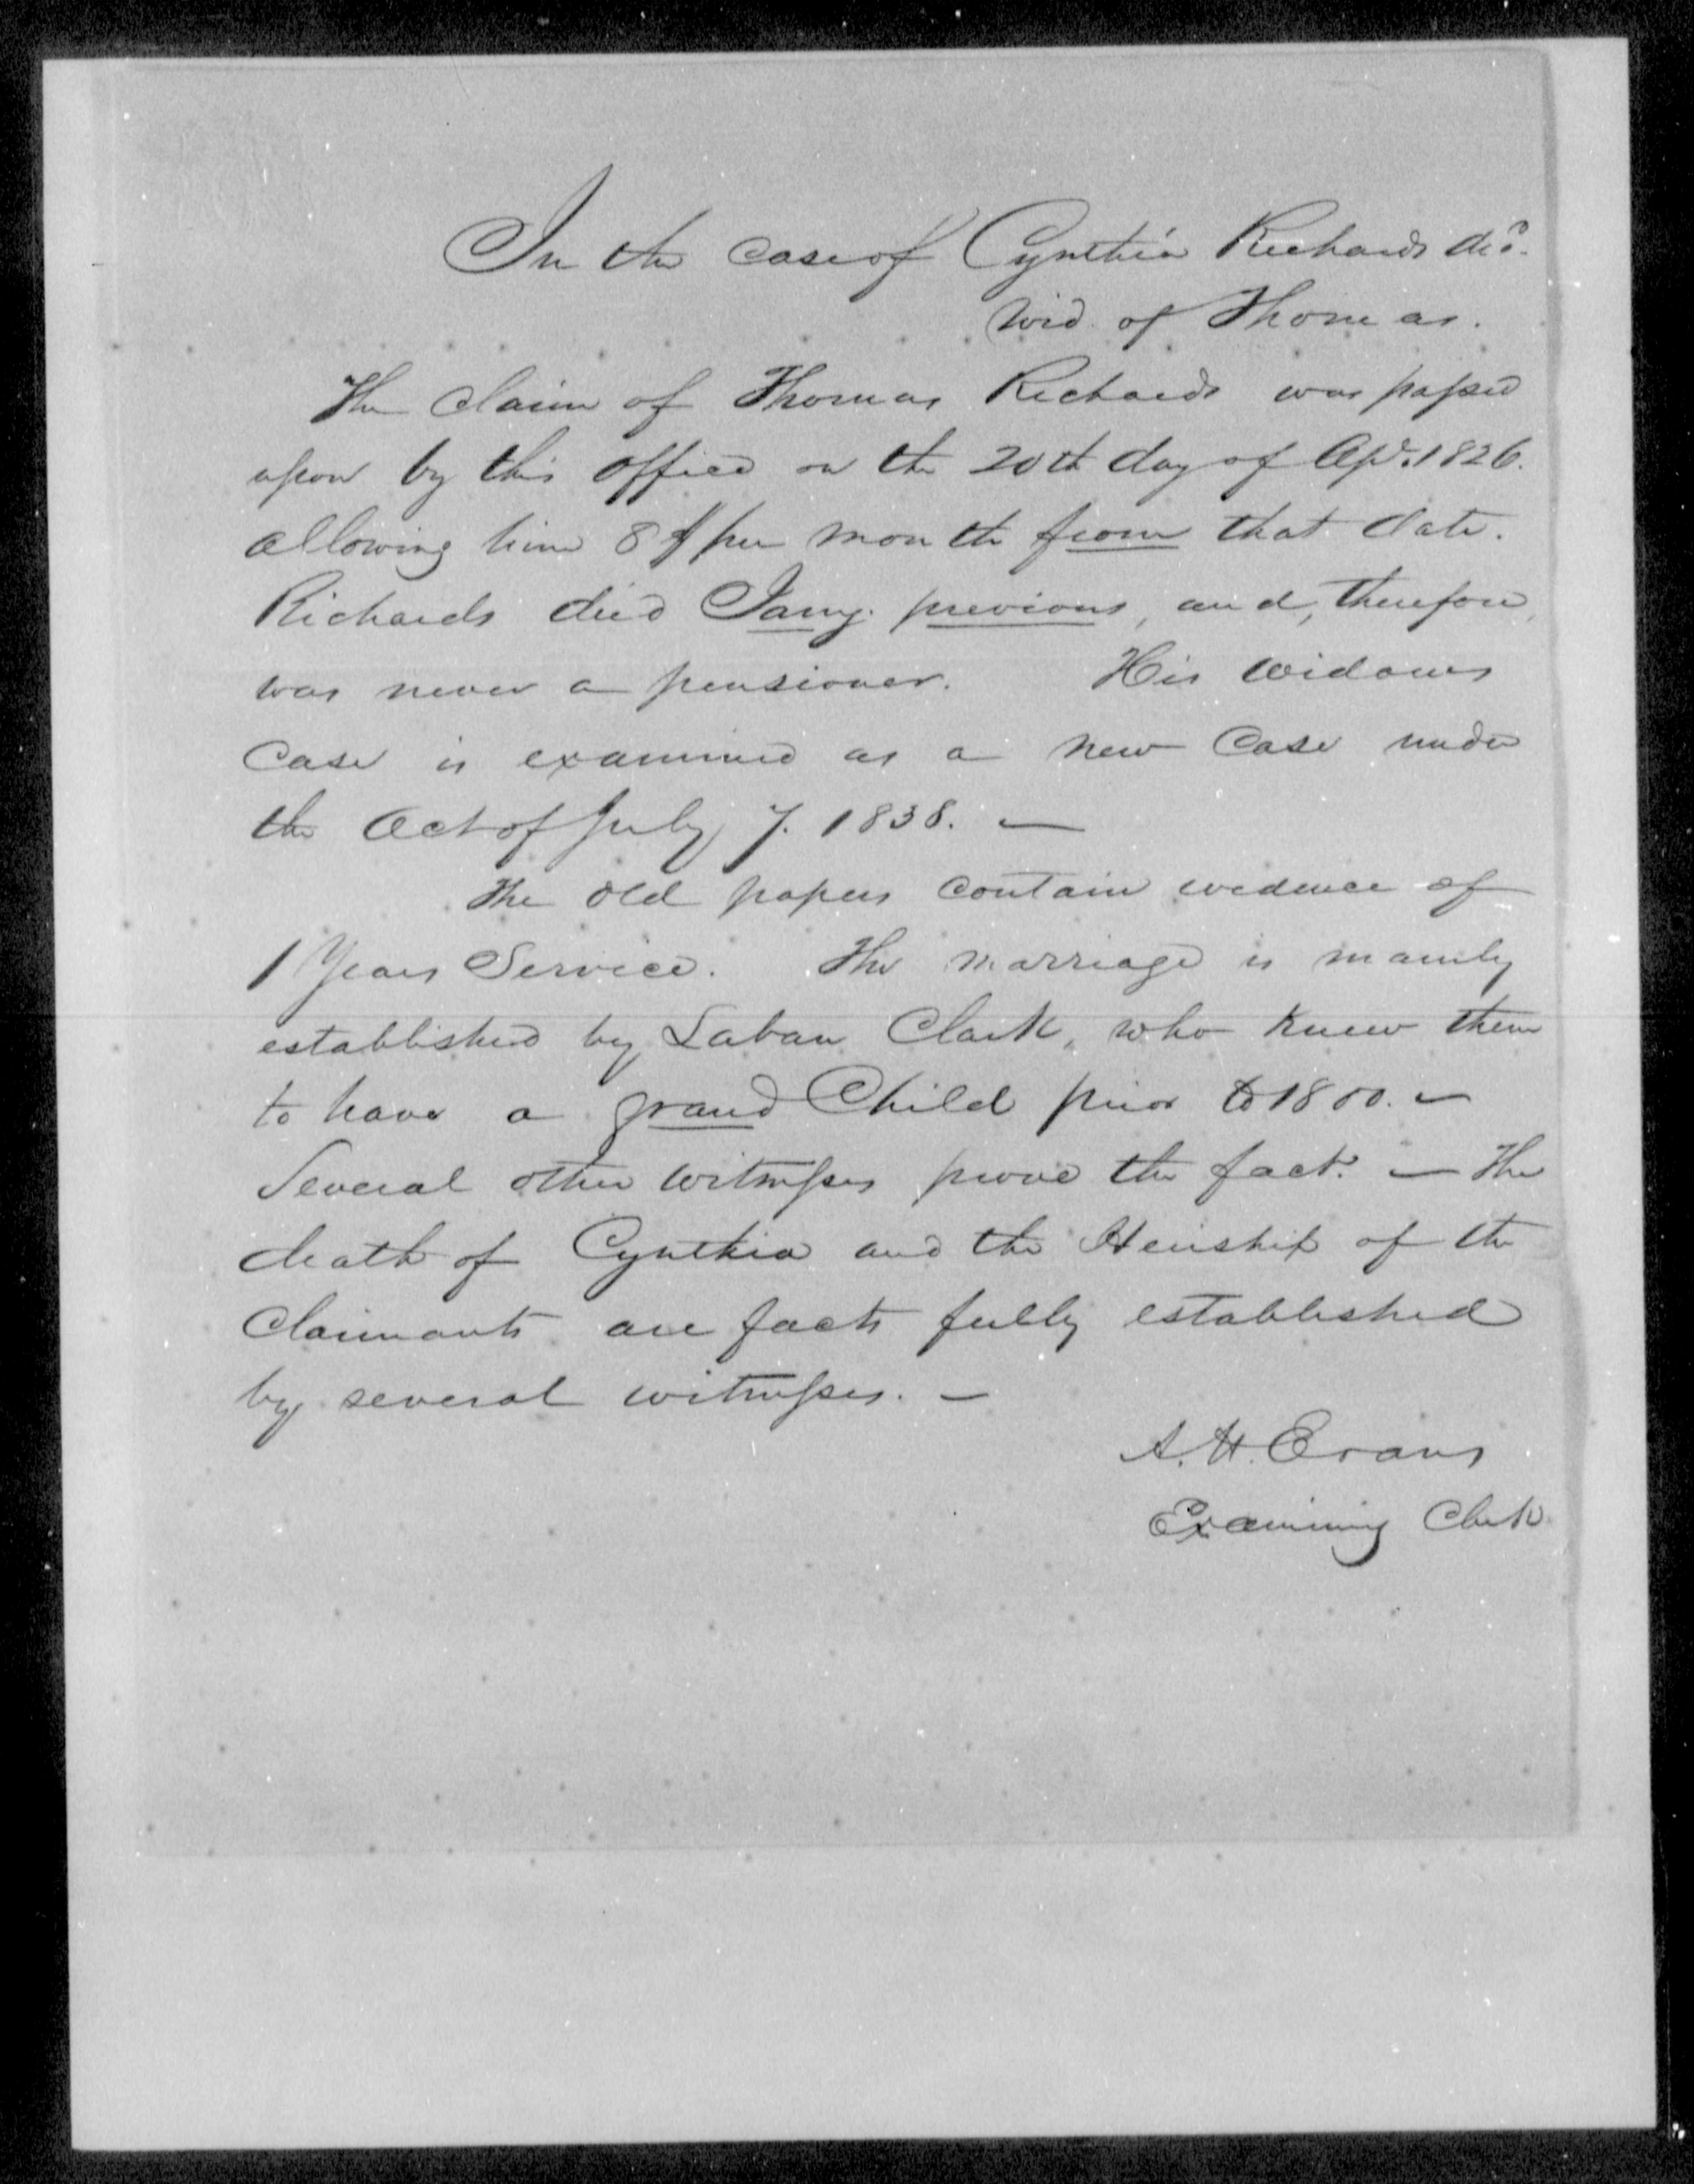In the case of Cynthia Richards decd [DECEASED] Wid [WIDOW] of Thomas
The claim of Thomas Richards was passed
upon by this Office on the 20th day of Apr 1826. allowing him 8 $ per month from that date. Richards died Jany [JANUARY] previous, and, therefore was never a pensioner
His widows [sic] case is examined as a new case under the act of July 7. 1838. -
The old papers contain evidence of 1 years Service. The marriage is mainly
established by Laban Clark, who knew them
to have a grandchild prior to 1800.-
Several other witnesses prove the fact.-- The
death of Cynthia and the Heirship of the
claimants are facts fully established by several witnesses.-
A. H. Evans
Examining Clerk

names: Thomas Richards; A H Evans; Thomas Richards; [BLANK] Richards; Cynthia Richards; Cynthia [BLANK]; Laban Clark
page: 46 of 109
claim: widow's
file: W. 5709, for Thomas Richards, New Hampshire